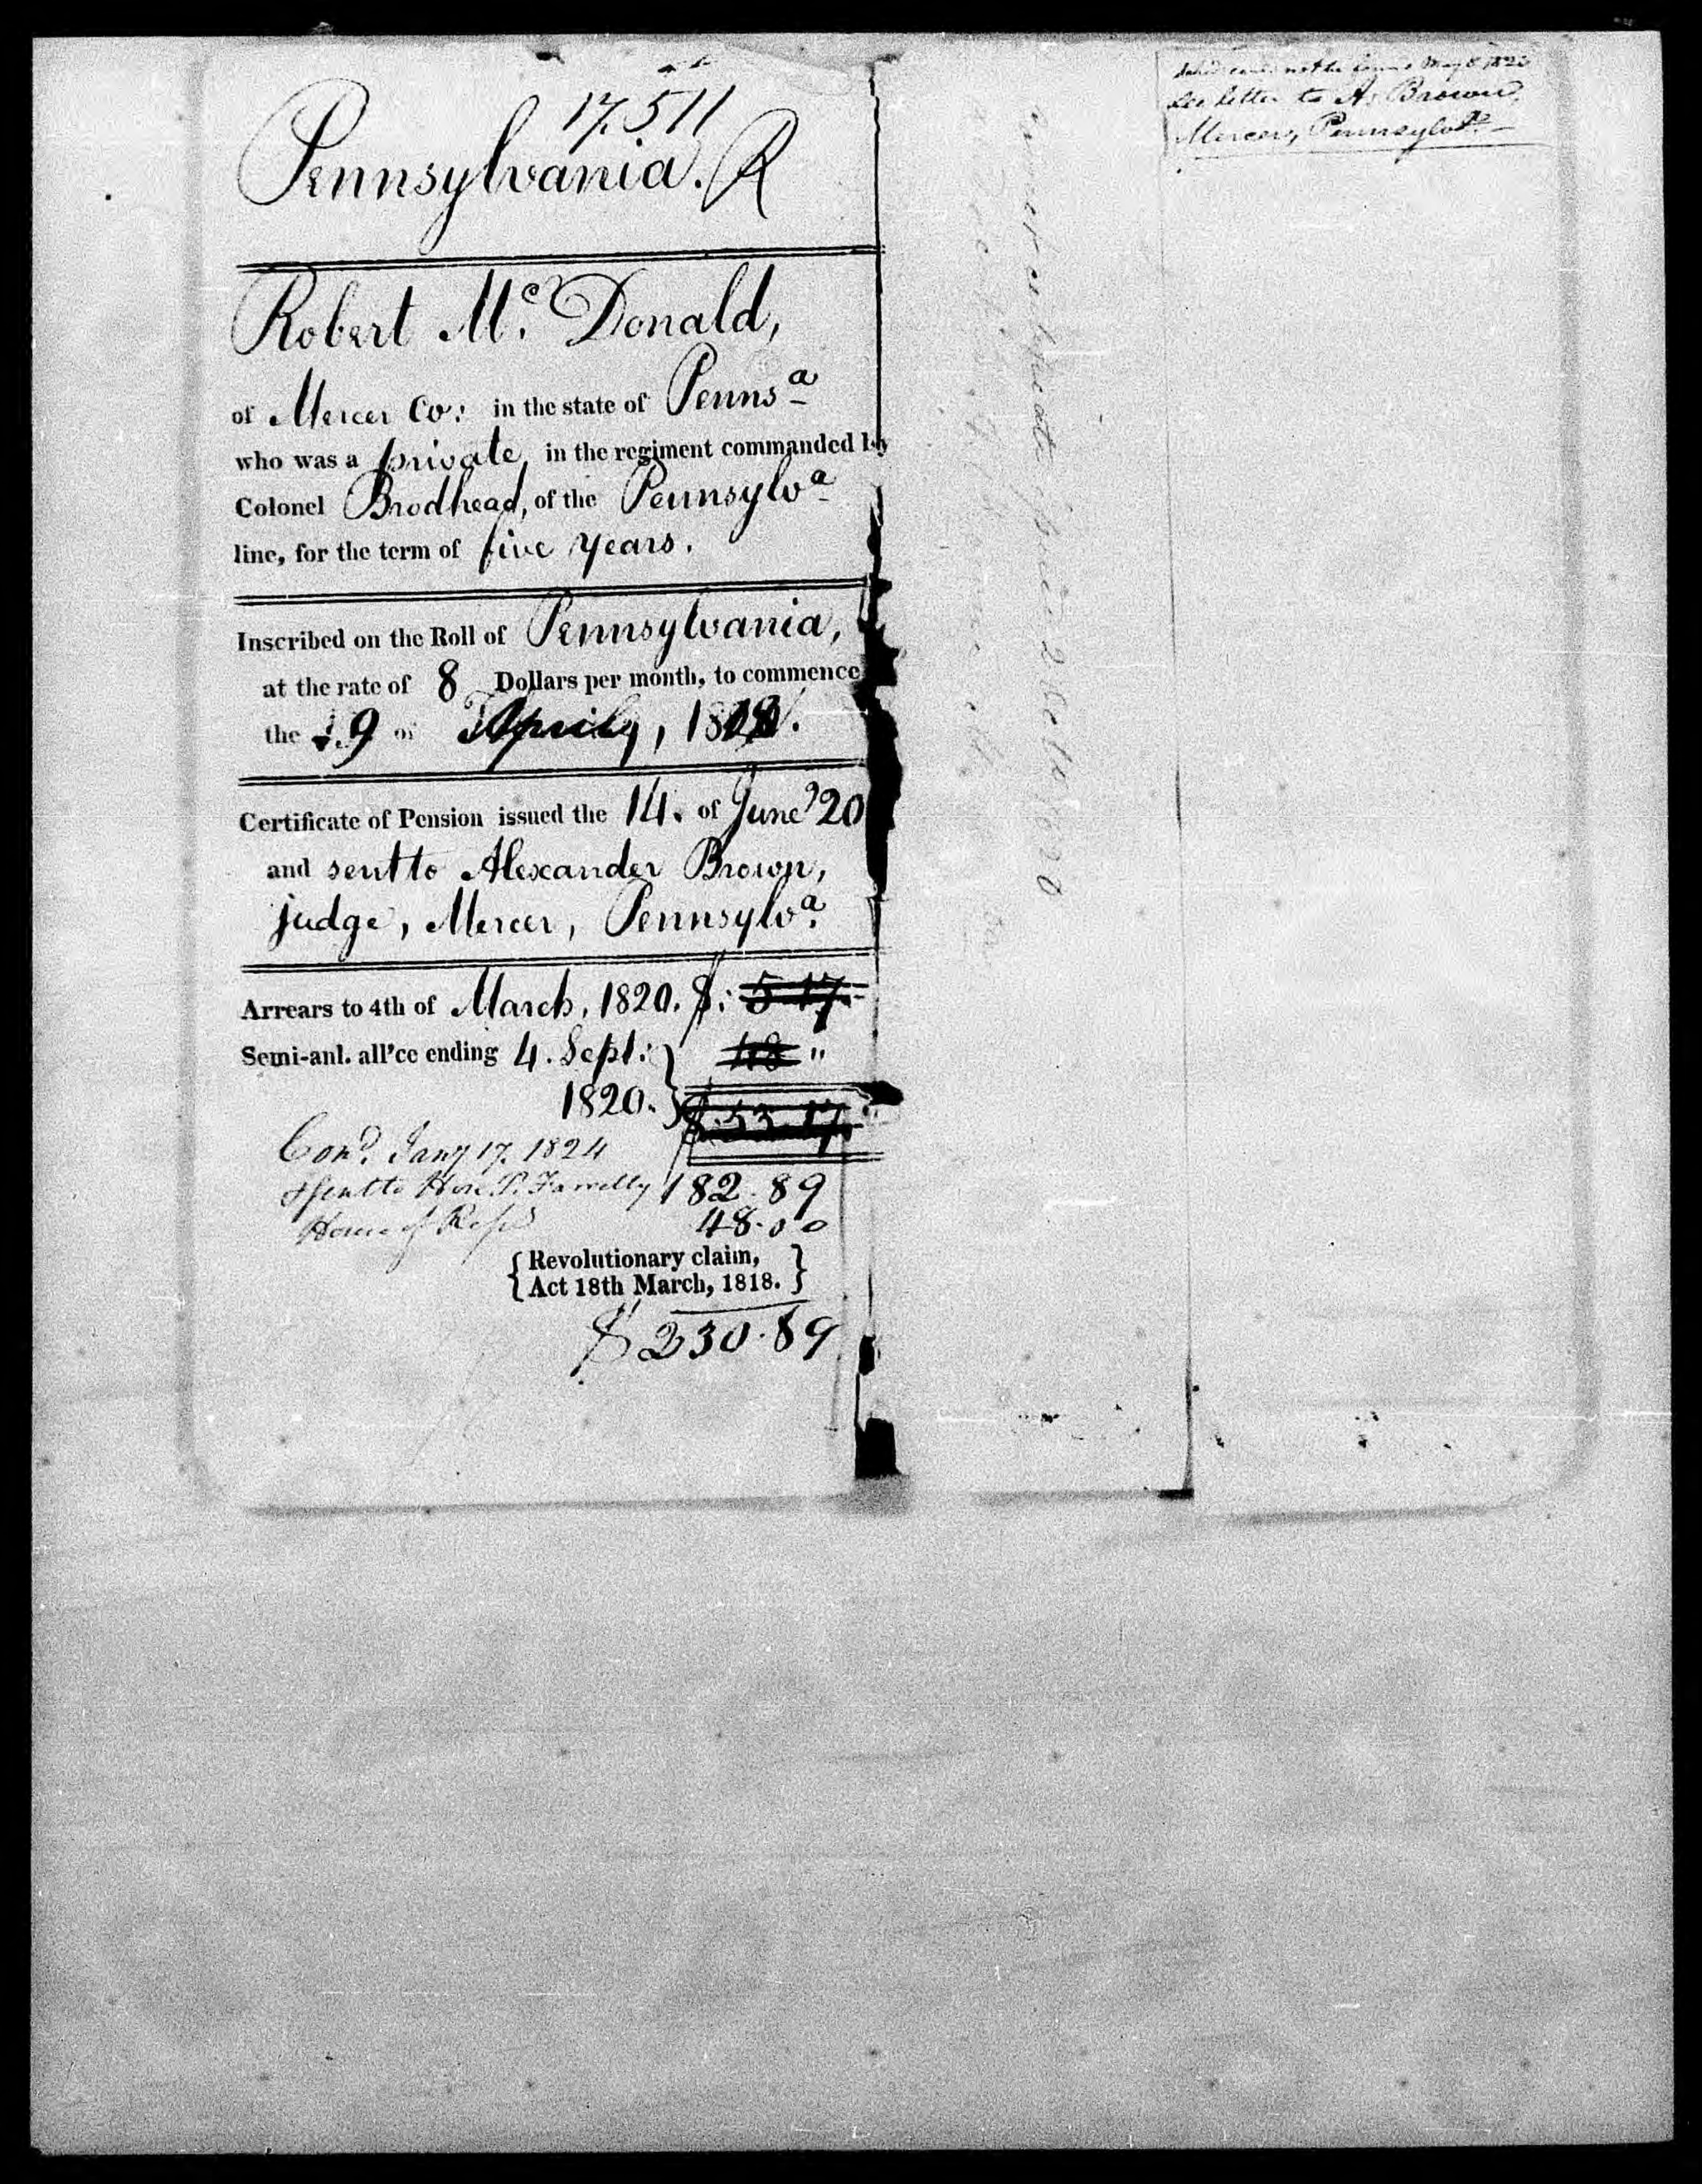[PRINTED FORM, BLANKS FILLED BY HAND]

17,511
Pennsylvania. R
====================
Robert McDonald,
of Mercer Co. in the State of Penns'a 
who was a private in the regiment commanded by 
Colonel Brodhead of the Pennsylv'a 
line, for the term of five years. 
====================
Inscribed on the Roll of Pennsylvania, 
at the rate of 8 Dollars per month, to commence 
the 19th of April, 1818.
====================
Certificate of Pension issued the 14th of June '20 
and sent to Alexander Broen, 
Judge, Mercer, Pennsylv'a
====================
Arrears to 4th of March, 1820 $
Sem-anl all'ce ending 4 Sept 1820
Com'd Jany 17 1824 
& sent to Hon T. Farrelly
House of Reps
182.89
48.00

{ Revolutionary claim, Act 18th March, 1818. }
-------
$230.89

[?] could not be found May 8 1823
See Letter to A. Brown Mercer, Pennsylv'a

[writing on edge]
Correct certificate copied 2 Oct 1820
and sent [illegible rest of line]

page: 2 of 59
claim: widow's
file: W 3703, for Robert Mc Donald, Pennsylvania